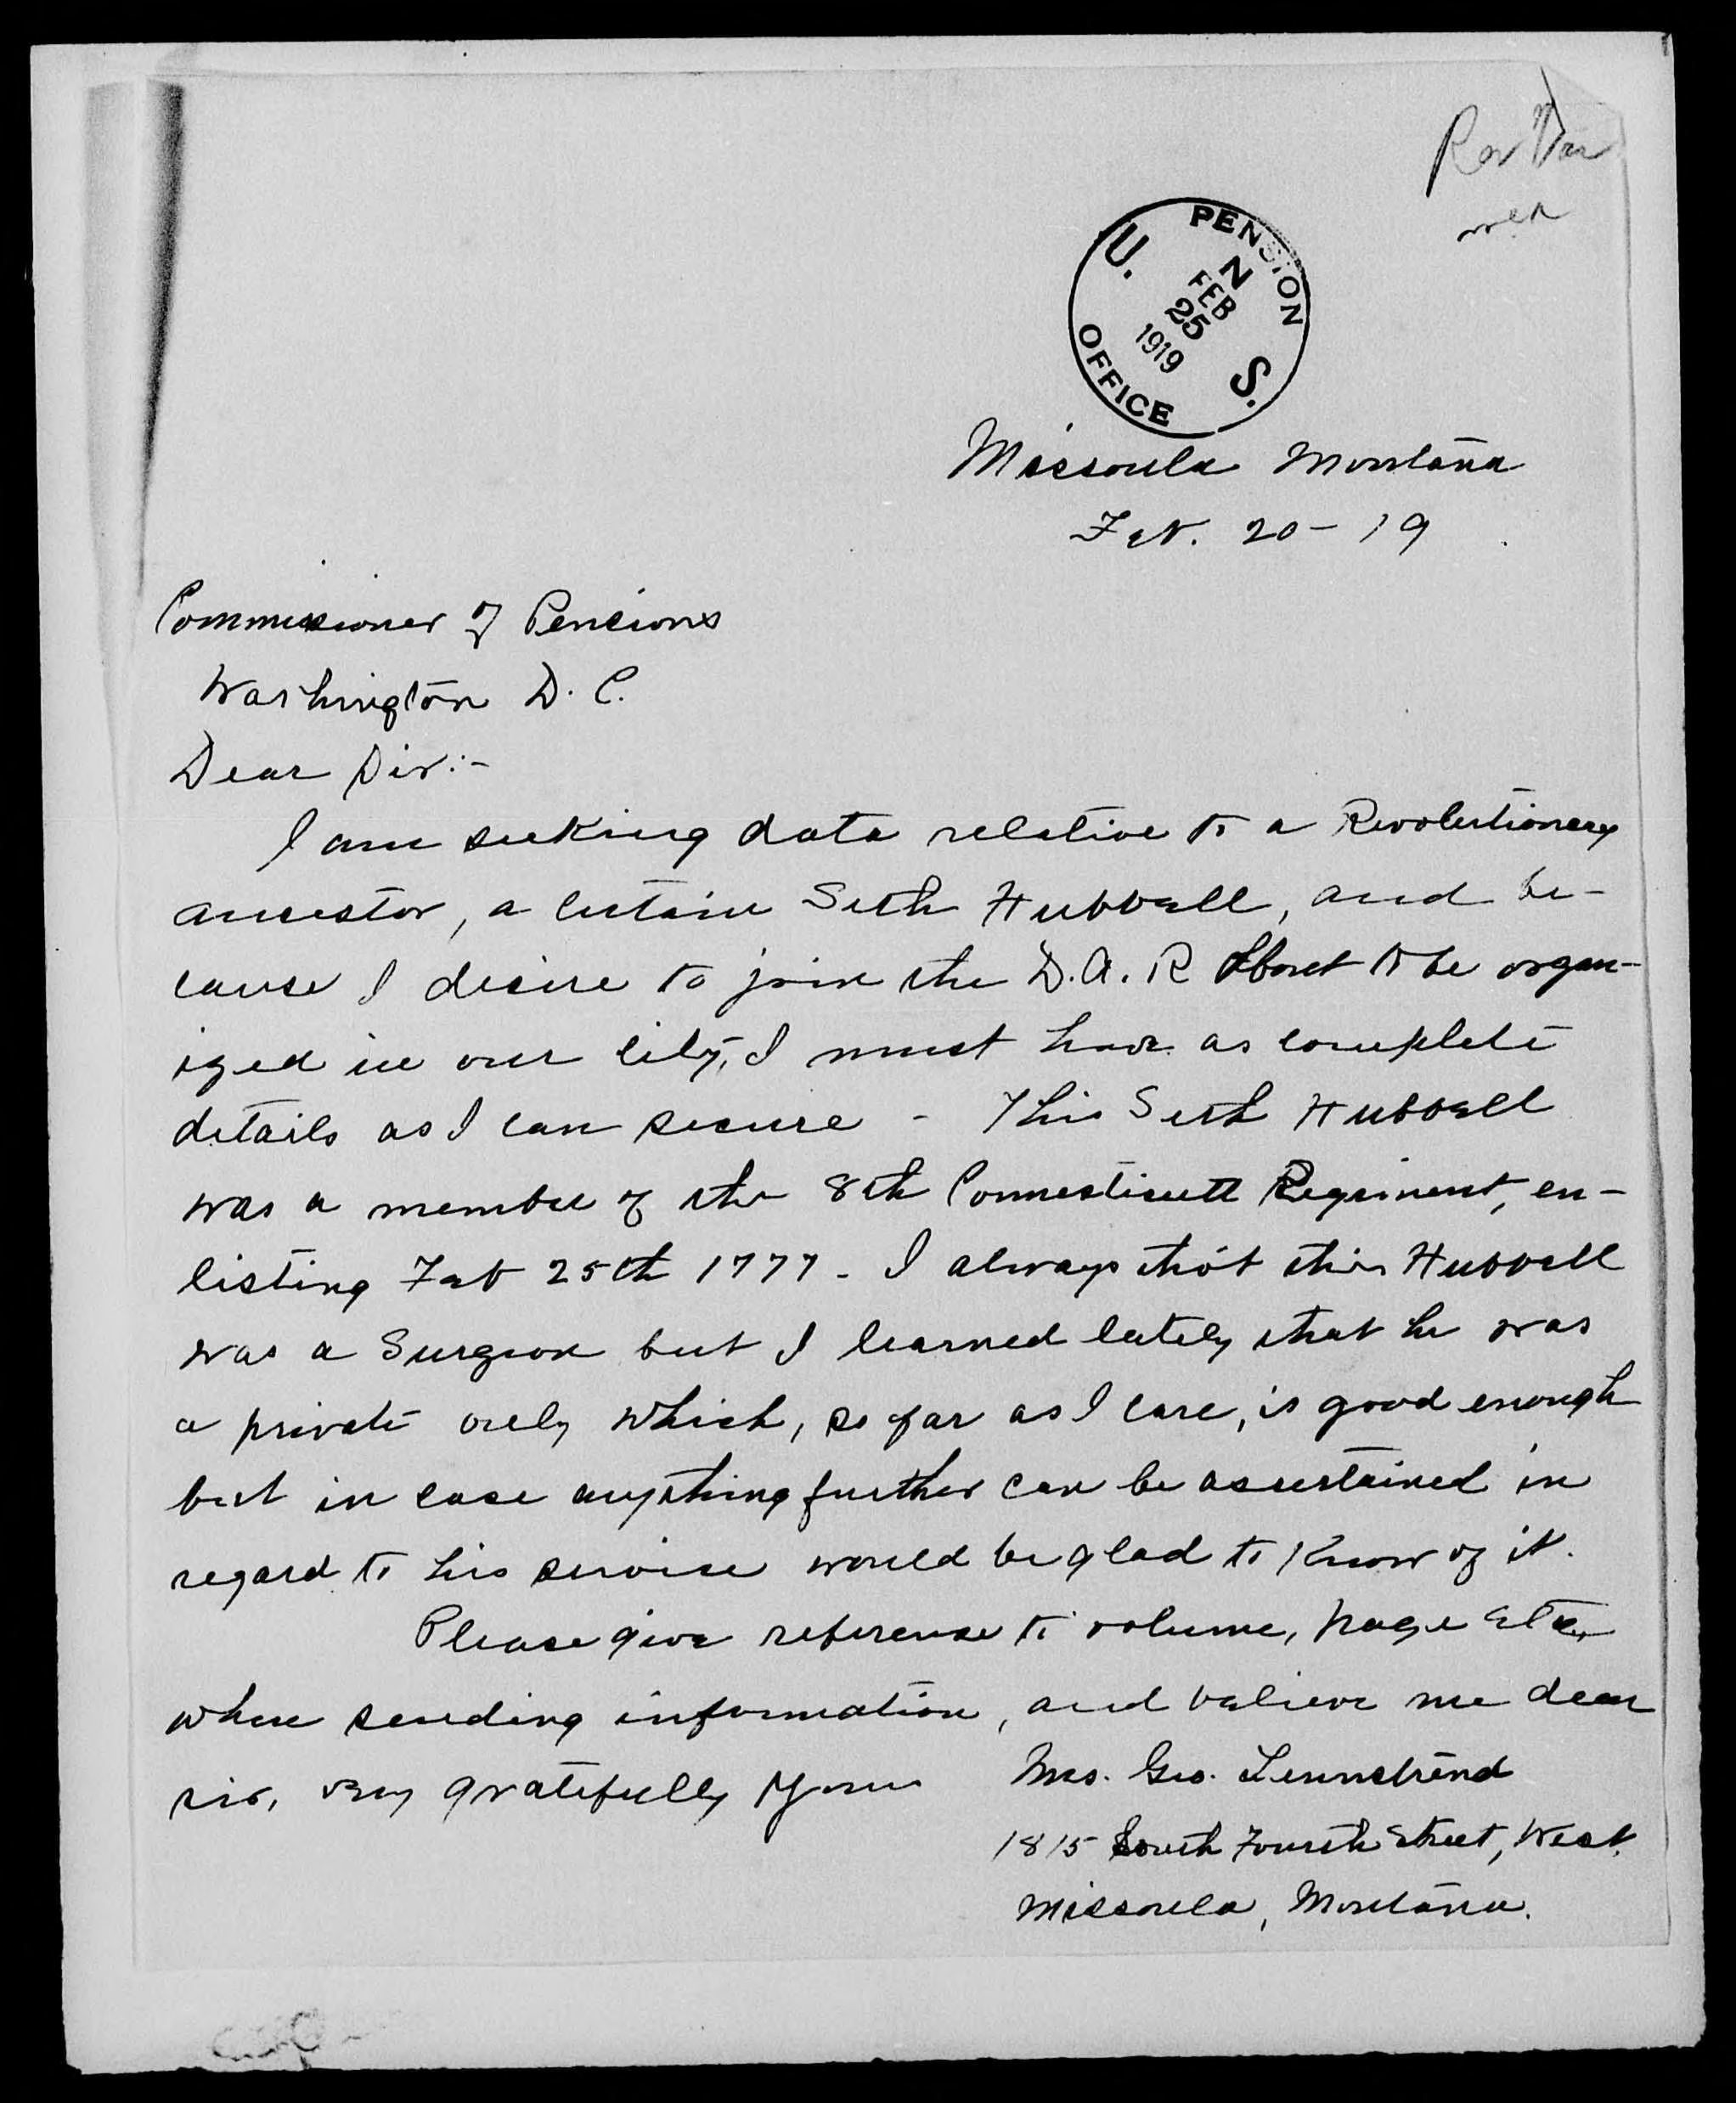Stamped: Pension U.S. Office N FEB 25 1919
Rev Dar men
Missoula Montana
Feb. 20-19

Commissioner of Pensions
Washington D.C. Dear Sir:-
I am seeking data relative to a Revolutionary ancestor, a certain Seth Hubbell, and be-cause I desire to join the D.A.R about  the organ-izer in our city- I must have as complete details as I can secure- This Seth Hubbell was a member of the 8th Connecticut Regiment, en-listing Feb. 25th 1777. I always thot this Hubbell was a surgeon but I learned lately that he was a private only which, so far as I care, is good enough but in case anything further can be ascertained in regard to his service would be glad to know of it.
Please give referense to volume, page etc. when sending information, and believe me dear sir, very gratefully yours
Mrs. GEO Lennstrend
1815 South Fourth Street West
Missoula, Montanta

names: Seth Hubbell, Geo Lennstrend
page: 60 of 114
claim: widow's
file: W. 2115, Seth Hubbell, Conn.